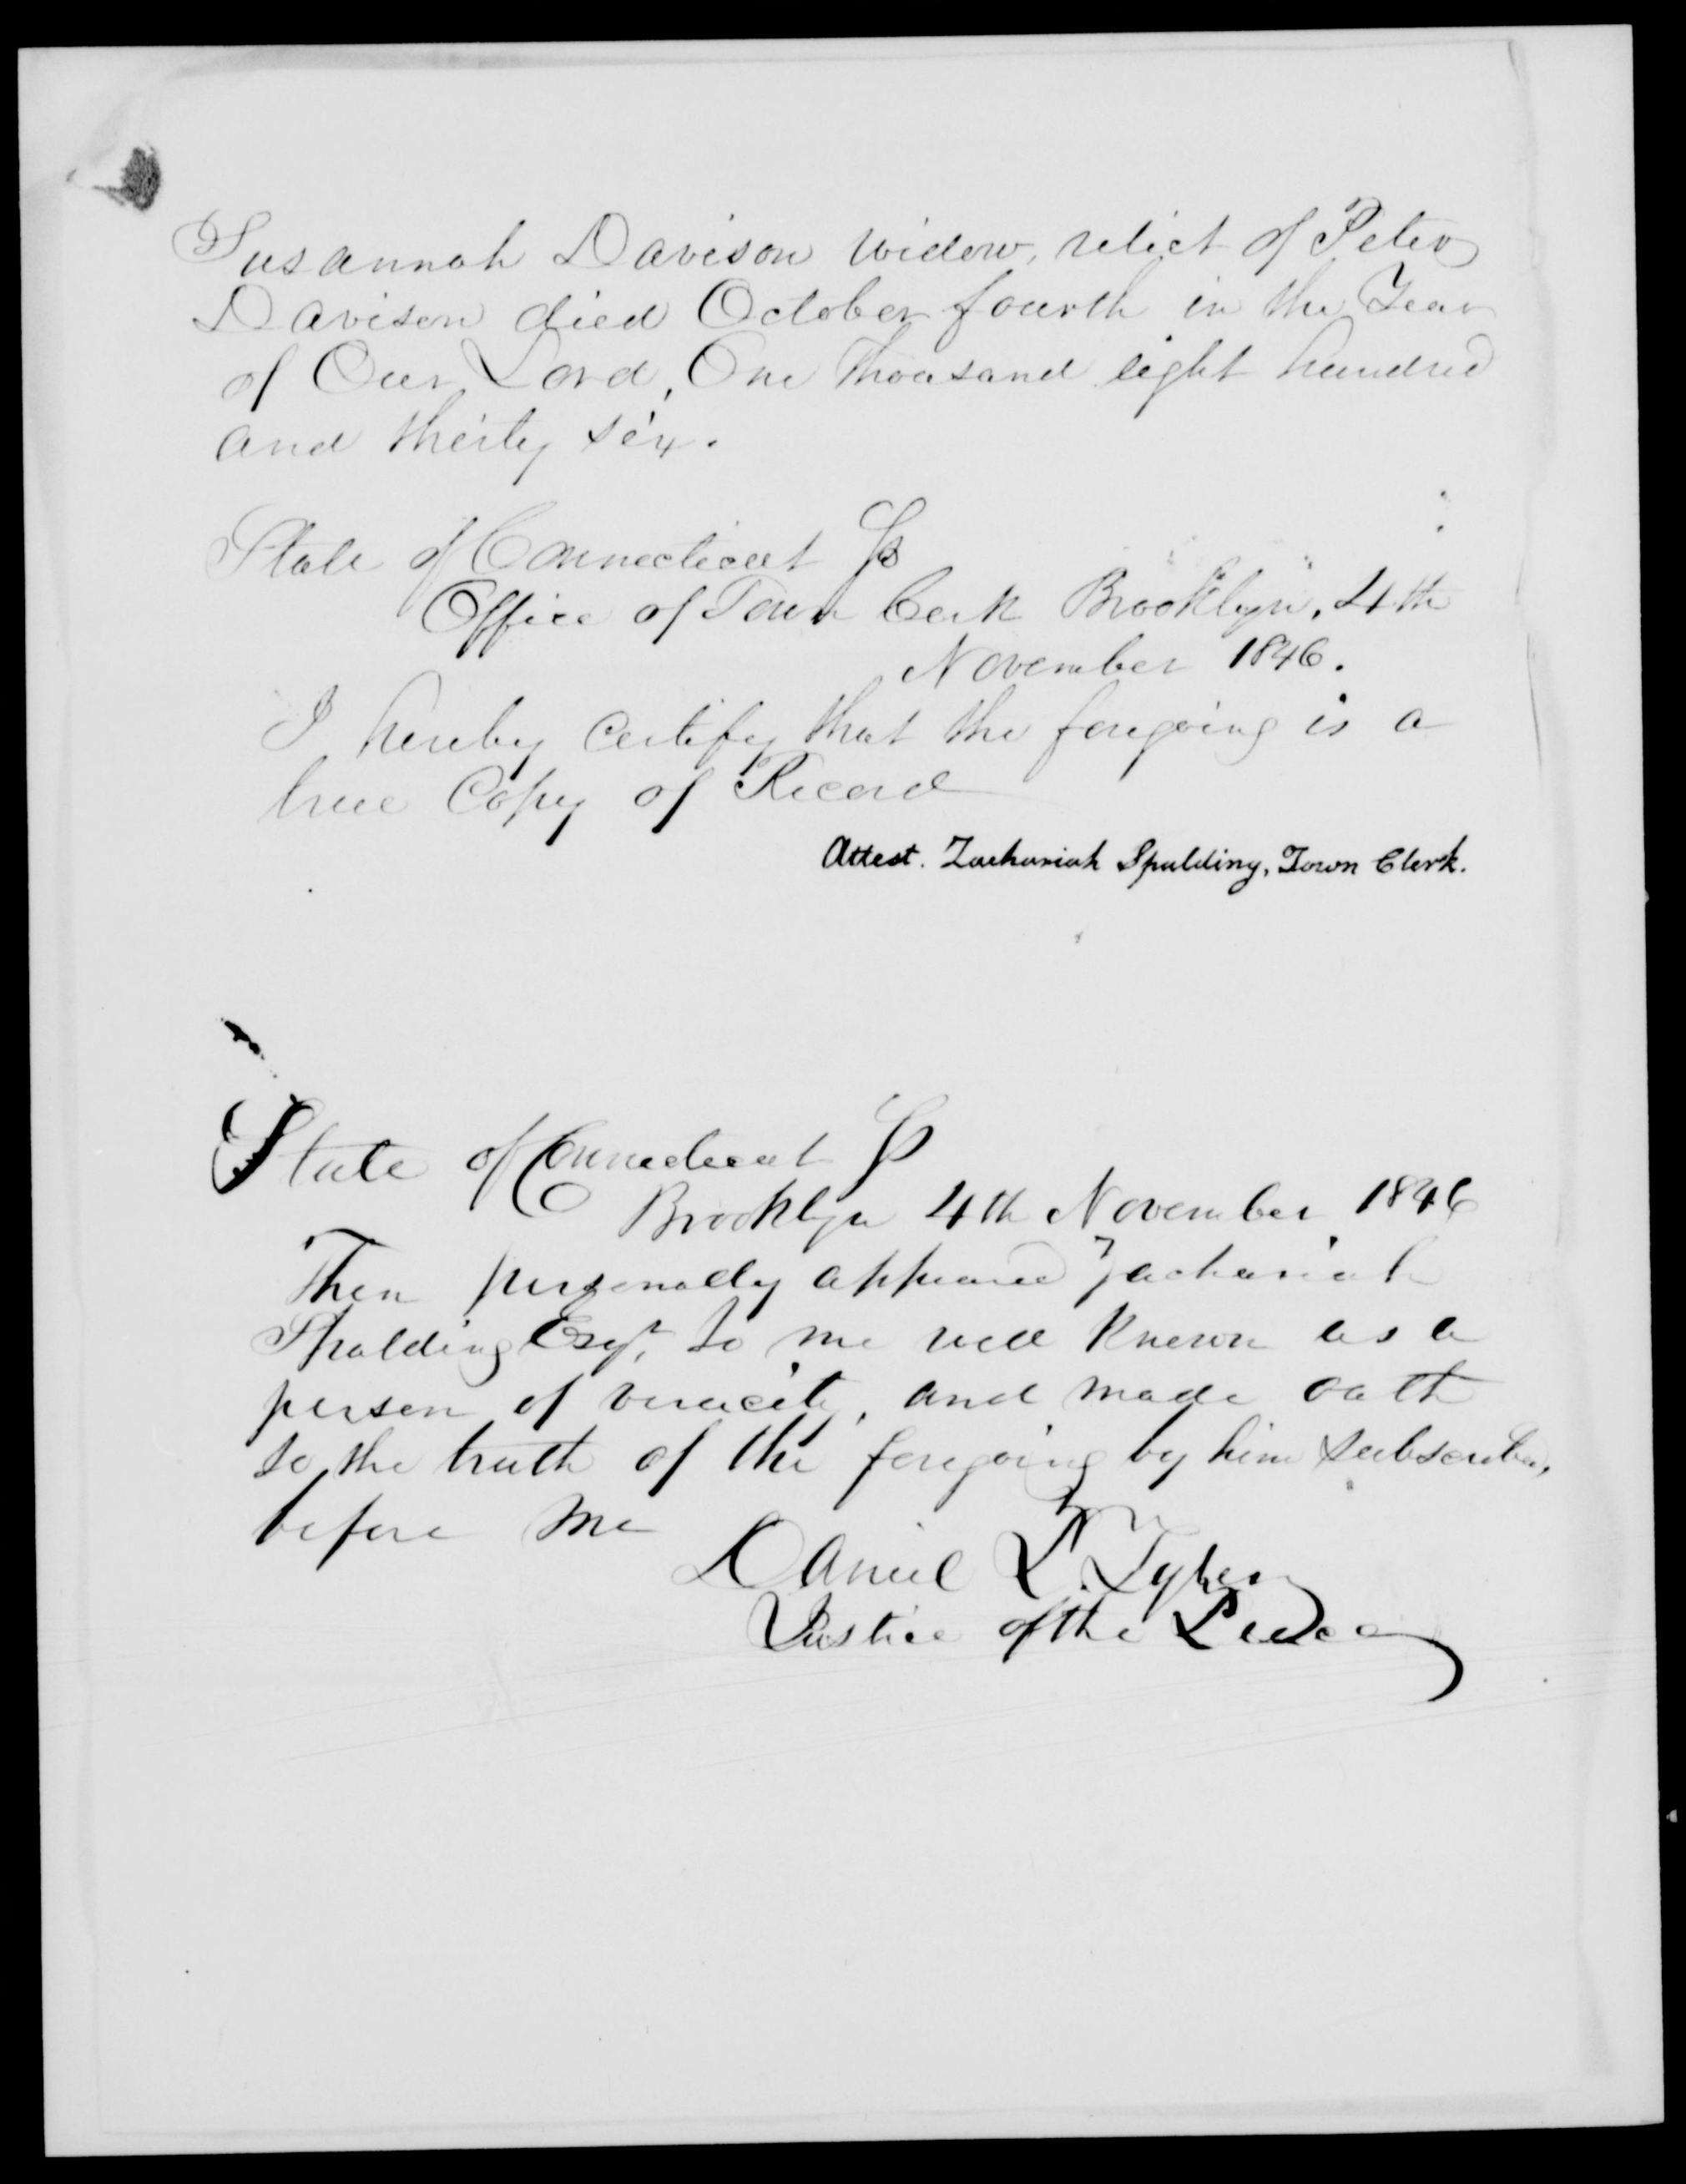Susannah Davison widow select of Peter Davison died October fourth in the year of Our Lord, One Thousand eight hundred and thirty six.

Sate of Connecticut __
Office of Town Clerk Brooklyn, 4th November 1846.
I hereby certify that the foregoing is a true Copy of record

Attest Zachariah Spalding, Town Clerk.

State of Connecticut _
Brooklyn 4th November 1846

Then personally appeared Zachariah Spalding Esq. to me well known as a person of veracity, and made oath to the truth of the foregoing by him subscribed before me

Daniel P. Tyler
Justice of the Peace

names: Daniel P Tyler, Zachariah Spalding, Susannah Davison, Peter Davison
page: 10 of 53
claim: widow's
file: W 17707, Benjamin Weaver, R.I.